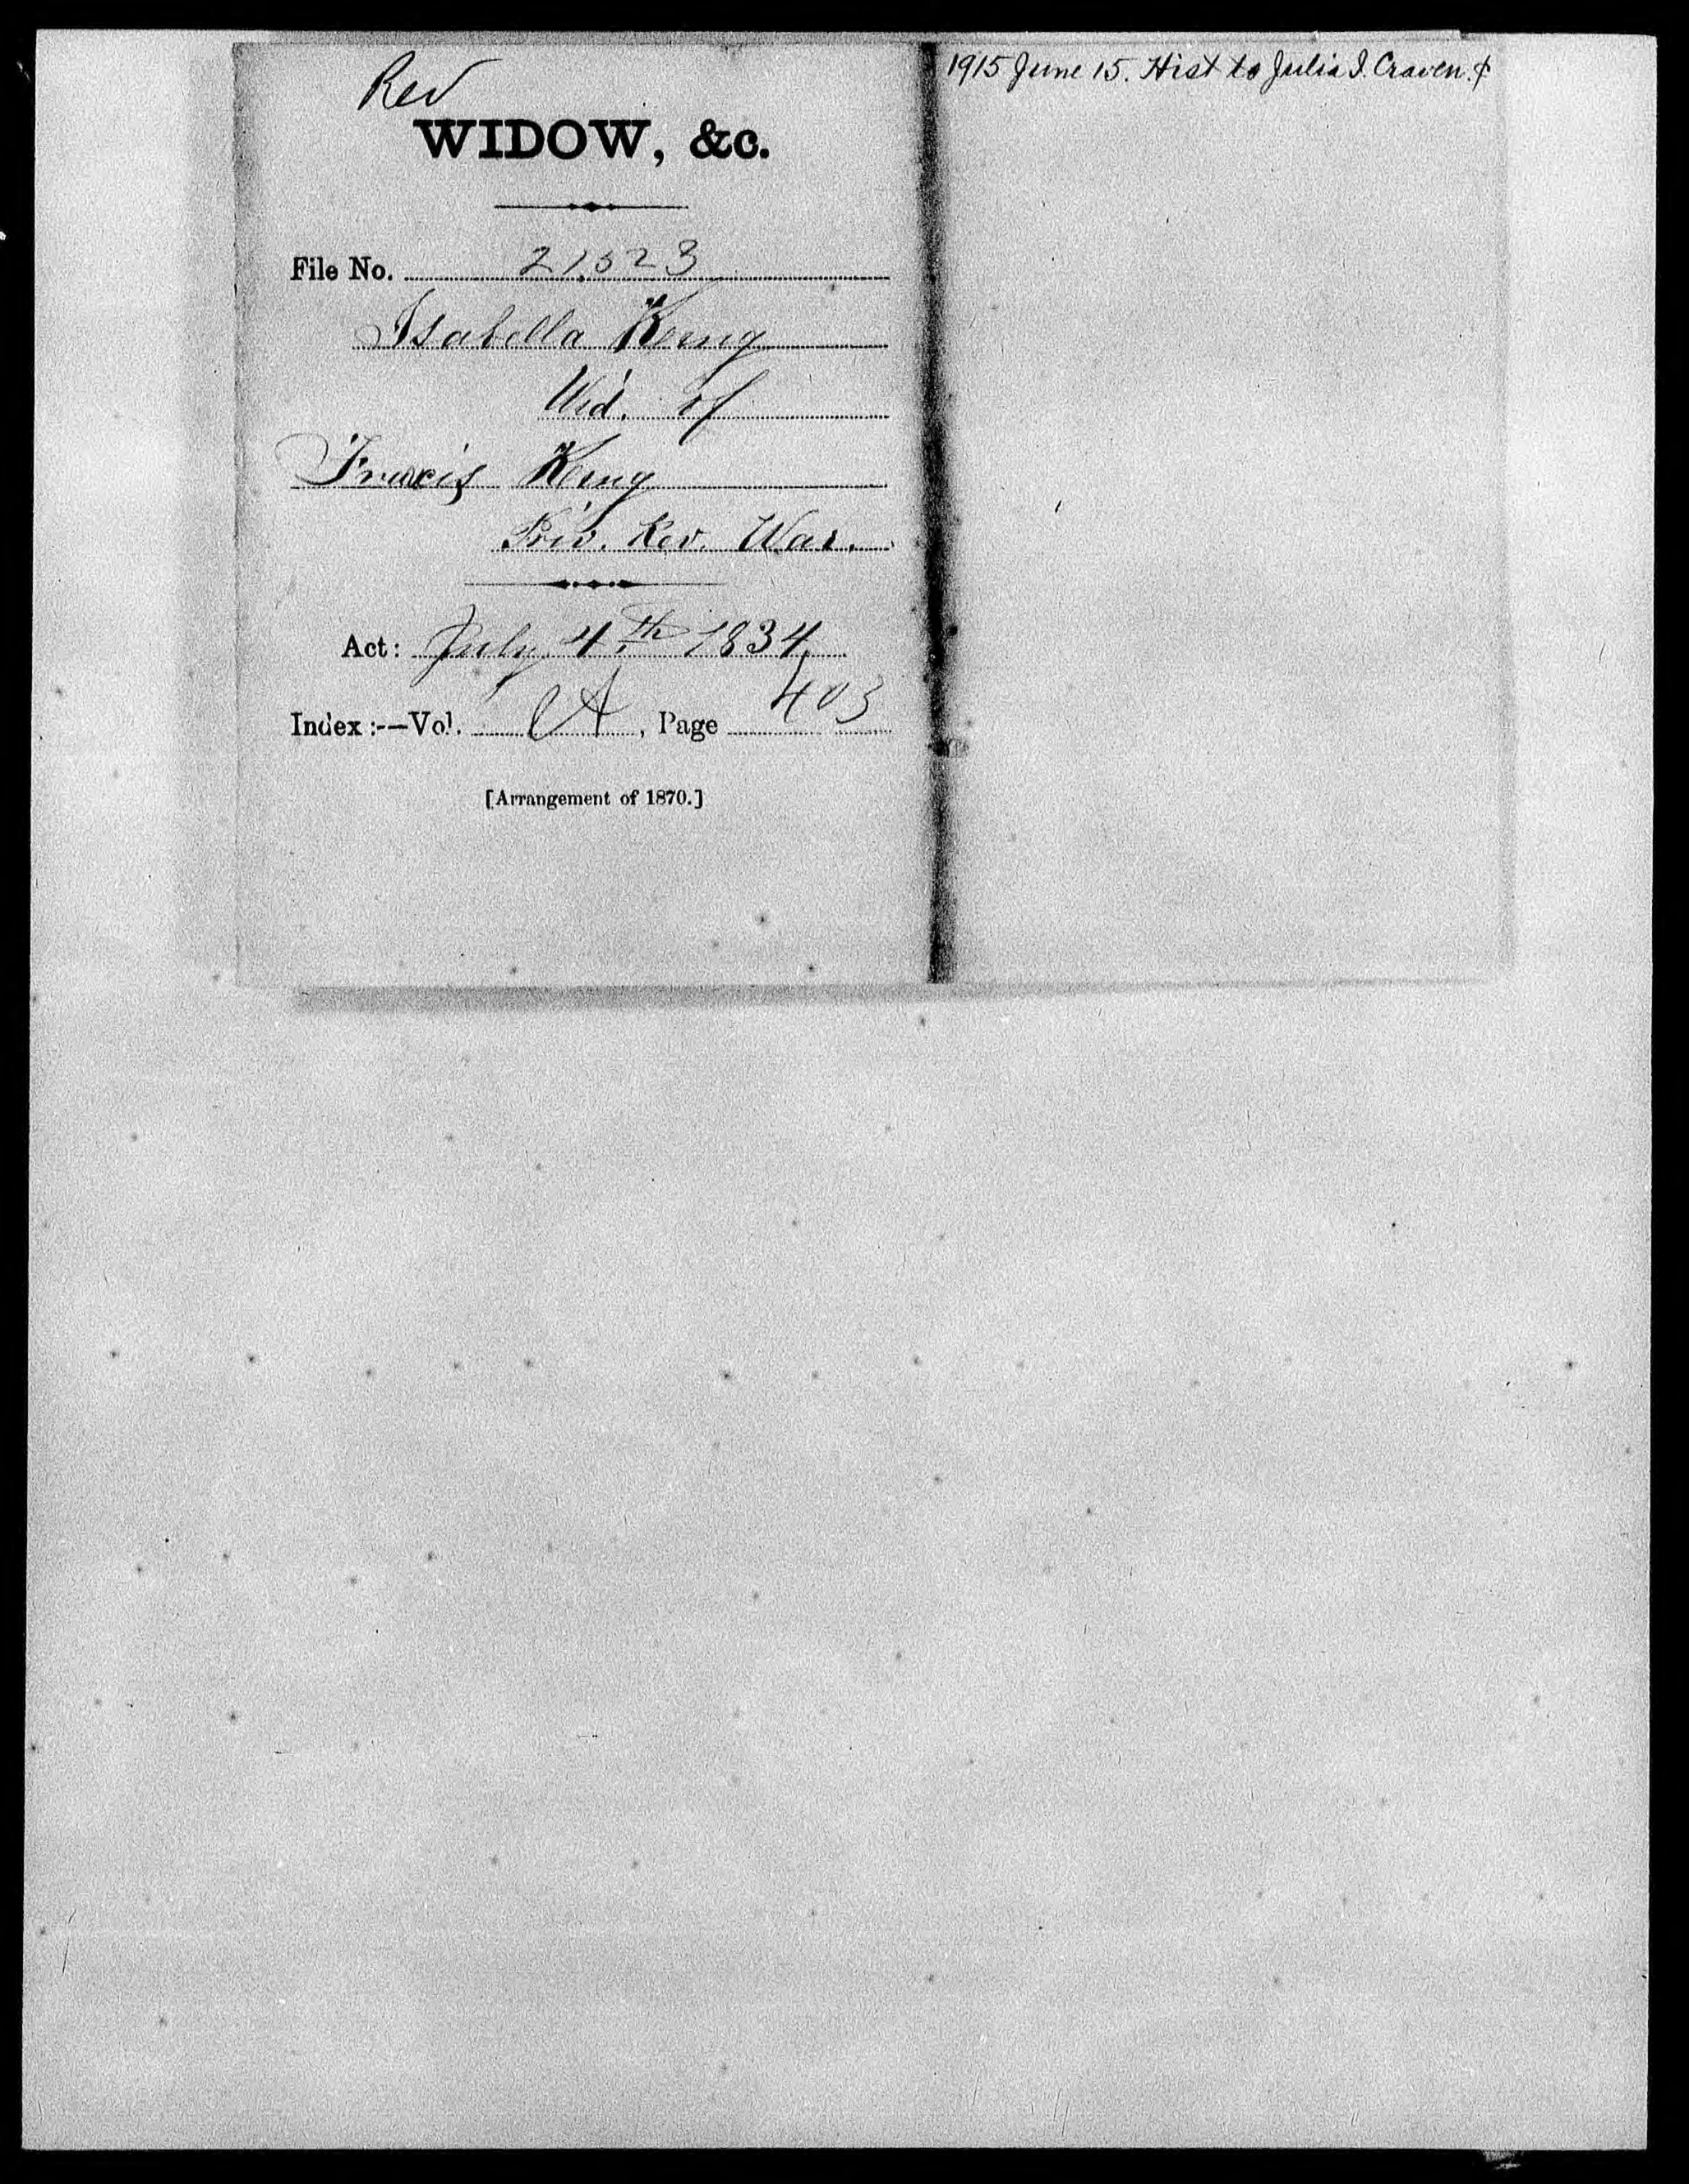[Two panels]
[Left panel]

Rev 
WIDOW, &c.

File No. 21,523
Isabella King 
Wid. of 
Francis King 
Priv. Rev. War

Act: July 4th 1834

Index:--Vol. A, Page 403

[ Arrangement of 1870. ]

[Right panel]

1915 June 15. Hist to Julia I. Carven ¢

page: 5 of 10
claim: widow's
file: W. 21523, for Francis King, South Carolina